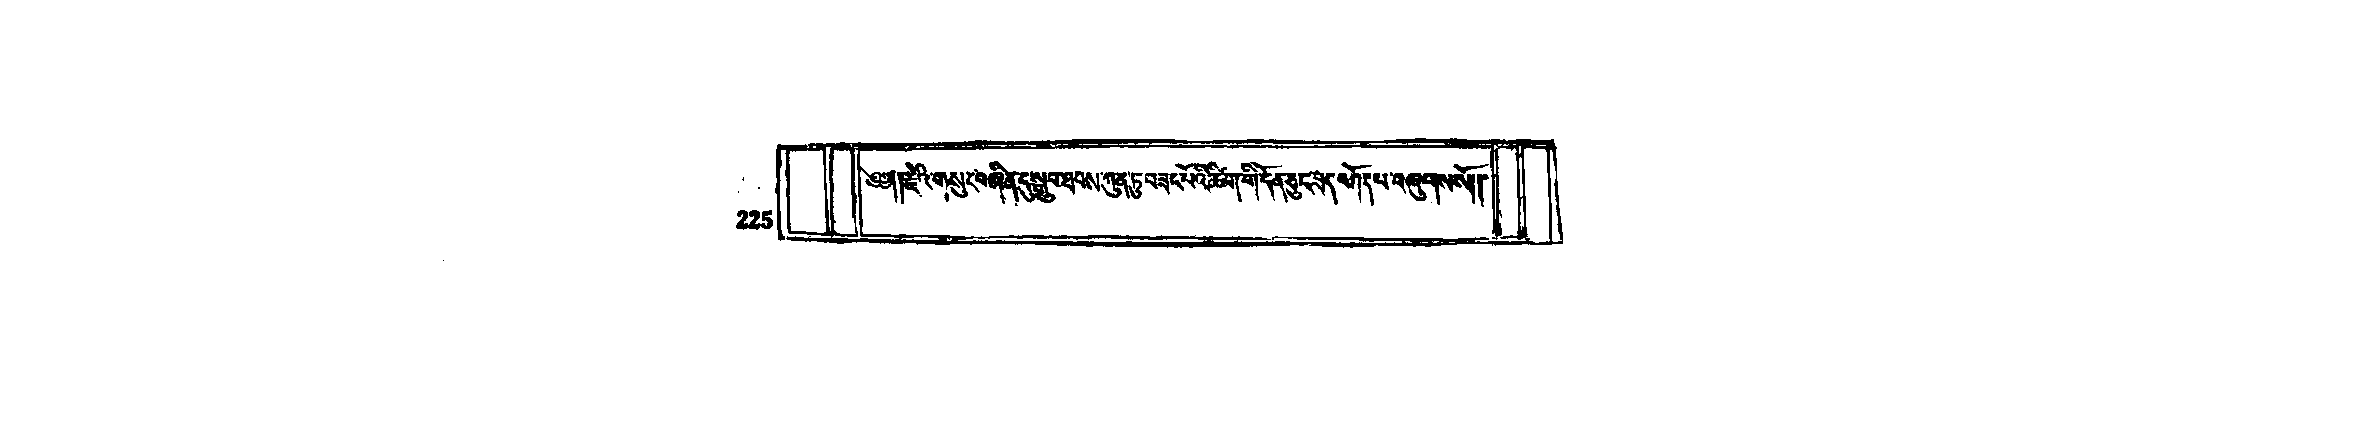༄༅། །རྗེའི་གསུང་བཞིན་དུ་སྒྲུབ་ཐབས་ཀུན་ཏུ་བཟང་པོའི་ཚིག་གི་དོན་ཅུང་ཟད་བཀོད་པ་བཞུགས་སོ། །